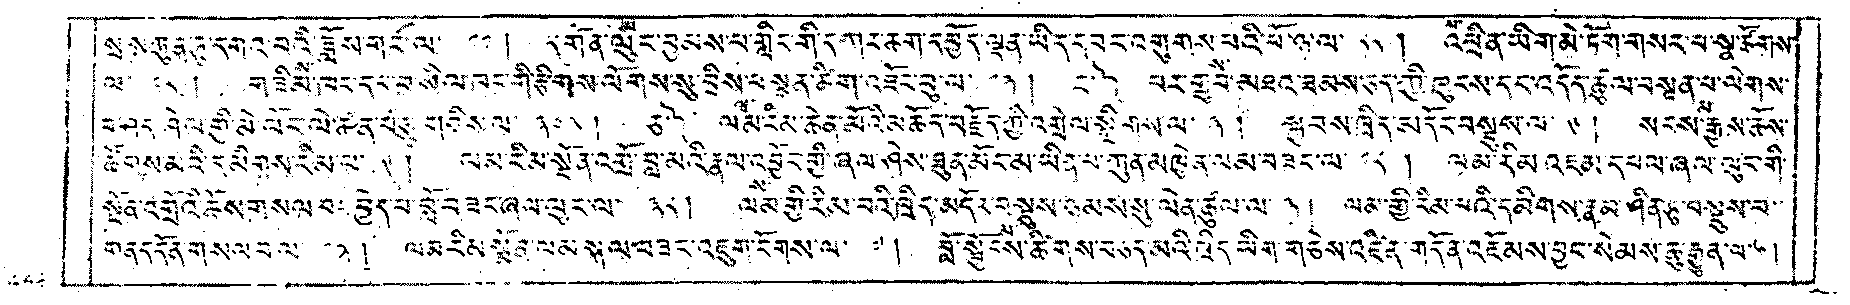སྲས་ཀུན་ཏུ་དགའ་བའི་ཟློས་གར་ལ ༡༡། དགོན་ལུང་མ་བྱམས་པ་གླིང་གི་དཀར་ཆག་དཔྱོད་ལྡན་ཡིད་དབང་འགུགས་པའི་ཕོ་ཉ་ལ ༨༨། མ་འཕྲིན་ཡིག་མེ་ཏོག་གསར་པ་སྣ་ཚོགས་
ལ ༩༨། གཟིམས་ས་ཁང་དང་བསིལ་ཁང་གི་རྩིགས་ལོགས་སུ་བྲིས་པ་སྙན་ཚིག་འཐོར་བུ་ལ ༡༢། ང྄་པར་གྲུབ་ས་མཐའ་ཐམས་ཅད་ཀྱི་ཁུངས་དང་འདོད་ཚུལ་བསྟན་པ་ལེགས་
བཤད་ཤེལ་གྱི་མེ་ལོང་ལེ་ཚན་བཅུ་གཉིས་ལ ༣༠༣། ཅ྄་ལམ་ཝ་རིམ་ཆེན་མོའི་མཆོད་བརྗོད་ཀྱི་འགྲེལ་སྒྲིགས་ལ ༣། སྐྱབས་ཁྲིད་མདོར་བསྡུས་ལ ༤། སངས་མ་རྒྱས་ཆོས་
ཚོགས་མའི་དམིགས་རིམ་ལ ༤། ལམ་རིམ་སྔོན་འགྲོ་བླ་མའི་རྣལ་འབྱོར་གྱི་ཞལ་ཤེས་ཐུན་མོང་མ་ཡིན་པ་ཀུན་མཁྱེན་ལམ་བཟང་ལ ༡༨། ལམ་རིམ་འཇམ་དཔལ་ཞལ་ལུང་གི་
སྔོན་འགྲོའི་ཆོས་གསལ་བར་བྱེད་པ་བློ་བཟང་ཞལ་ལུང་ལ ༣༨། ལམ་ས་གྱི་རིམ་པའི་ཁྲིད་མདོར་བསྡུས་ཉམས་སུ་ལེན་ཚུལ་ལ ༣། ལམ་གྱི་རིམ་པའི་དམིགས་རྣམ་ཤིན་ཏུ་བསྡུས་པ་
གནད་དོན་གསལ་བ་ལ ༡༣། ལམ་རིམ་སྨོན་ལམ་སྐལ་བཟང་འཇུག་ངོག་ལ ༧། བློ་སྦྱོང་མ་ཚིགས་བཅད་མའི་ཁྲིད་ཡིག་གཅེས་འཛིན་གདོན་འཇོམས་བྱང་སེམས་ཆུ་རྒྱུན་ལ ༦།